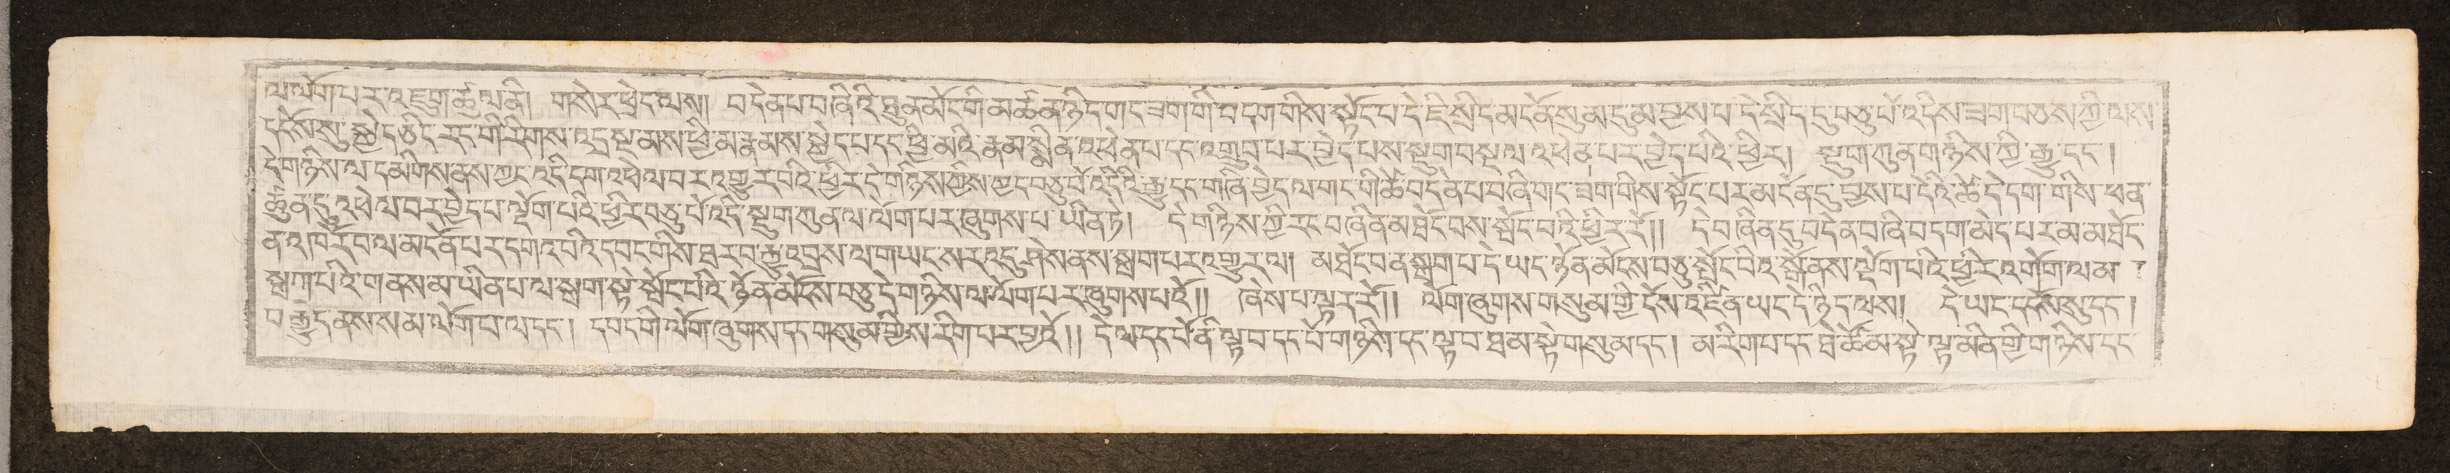ལ་ལོག་པར་འཇུག་ཚུལ་ནི། གསེར་ཕྲེང་ལས། བདེན་པ་བཞིའི་ཐུན་མོང་གི་མཚན་ཉིད་གང་ཟག་གི་བདག་གིས་སྟོང་པ་དེ་ཇི་སྲིད་མངོན་སུམ་དུ་མ་བྱས་པ་དེ་སྲིད་དུ་བཅུ་པོ་འདིས་ཟག་བཅས་ཀྱི་ལས་
དངོས་སུ་སྐྱེད་ཅིང་རང་གི་རིགས་འདྲ་སྔ་མས་ཕྱི་མ་རྣམས་སྐྱེད་པ་དང་ཕྱི་མའི་རྣམ་སྨིན་འཕེན་པ་དང་འགྲུབ་བར་བྱེད་པས་སྡུག་བསྔལ་འཕེན་པར་བྱེད་པའི་ཕྱིར། སྡུག་ཀུན་གཉིས་ཀྱི་རྒྱུ་དང་།
དེ་གཉིས་ལ་དམིགས་ནས་ཀྱང་འདི་དག་འཕེལ་བར་འགྱུར་བའི་ཕྱིར་དེ་གཉིས་ཀྱིས་ཀྱང་བཅུ་པོ་འདིའི་རྒྱུ་དང་གཞི་བྱེད་ལ་གང་གི་ཚེ་བདེན་པ་བཞི་གང་ཟག་གིས་སྟོང་པར་མངོན་དུ་བྱས་པ་དེའི་ཚེ་དེ་དག་གིས་ཕན་
ཚུན་དུ་འཕེལ་བར་བྱེད་པ་ལྡོག་པའི་ཕྱིར་བཅུ་པོ་འདི་སྡུག་ཀུན་ལ་ལོག་པར་ཞུགས་པ་ཡིན་ཏེ། དེ་གཉིས་ཀྱི་རང་བཞིན་མཐོང་བས་སྤོང་བའི་ཕྱིར་རོ།། དེ་བཞིན་དུ་བདེན་བཞི་བདག་མེད་པར་མ་མཐོང་
ན་འཁོར་བ་ལ་མངོན་པར་དགའ་བའི་དབང་གིས་ཐར་བར་རྒྱུ་འབྲས་ལ་གཡང་སར་འདུ་ཤེས་ནས་སྐྲག་པར་འགྱུར་ལ། མཐོང་བ་ན་སྐྲག་པ་དེ་ཡང་ཉོན་མོངས་བཅུ་སྤོང་བའི་སྒོ་ནས་ལྡོག་པའི་ཕྱིར་འགོག་ལམ་
སྐྲག་པའི་གནས་མ་ཡིན་པ་ལ་སྐྲག་སྟེ་སྤོང་བའི་ཉོན་མོངས་བཅུ་དེ་གཉིས་ལ་ལོག་པར་ཞུགས་པའོ། །ཞེས་པ་ལྟར་རོ། །ལོག་ཞུགས་པ་གསུམ་གྱི་ངོས་འཛིན་ཡང་དེ་ཉིད་ལས། དེ་ཡང་དངོས་སུ་དང་།
བརྒྱུད་ནས་སམ་ལོག་པ་ལ་དང་། དབང་གི་ལོག་ཞུགས་དང་གསུམ་གྱིས་རིག་པར་བྱའོ།། དེ་ལ་དང་པོ་ནི་ལྟ་བ་དང་པོ་གཉིས་དང་ལྟ་བ་ཐ་མ་སྟེ་གསུམ་དང་། མ་རིག་པ་དང་ཐེ་ཚོམ་སྟེ་ལྟ་མིན་གྱི་གཉིས་དང་